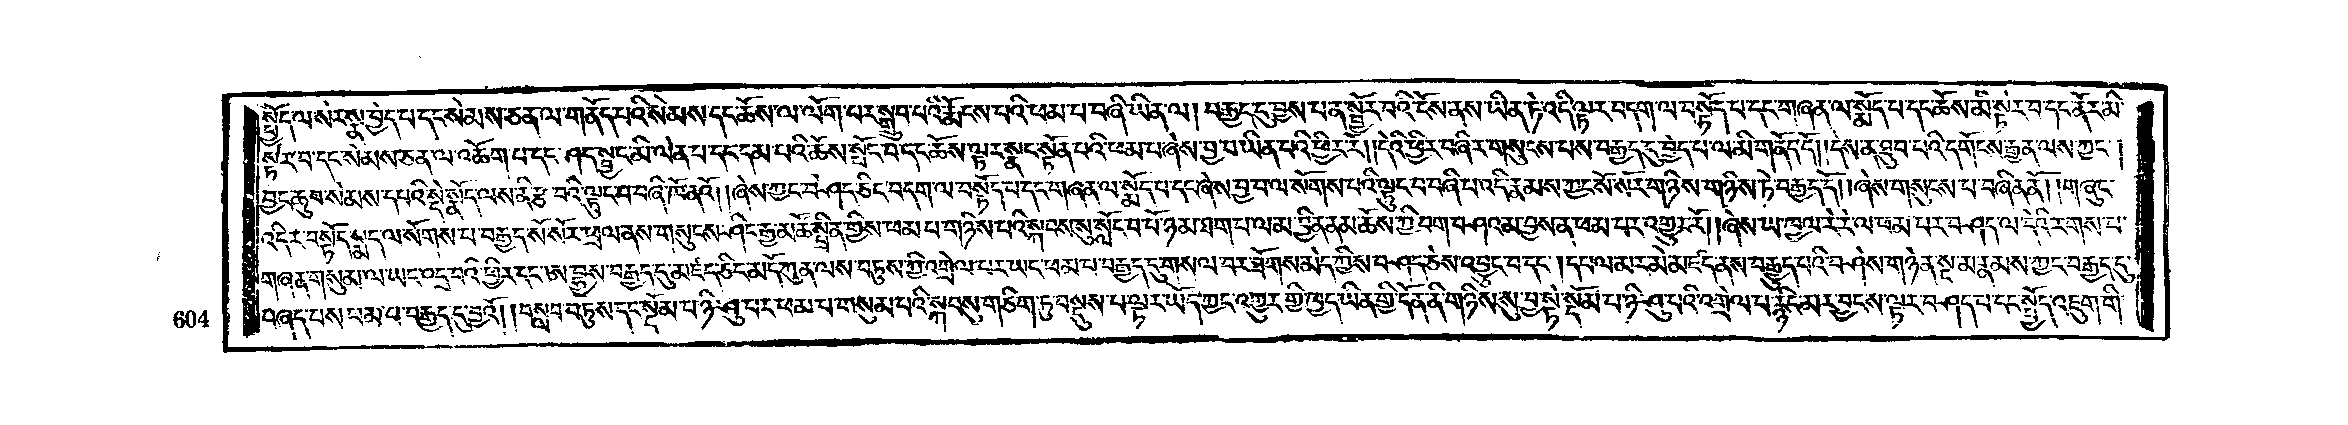སྤྱོད་ལ་སེར་སྣ་བྱེད་པ་དང་སེམས་ཅན་ལ་གནོད་པའི་སེམས་དང་ཆོས་ལ་ལོག་པར་སྒྲུབ་པའི་རྨོངས་པའི་ཕམ་པ་བཞི་ཡིན་ལ། བརྒྱད་དུ་བྱས་པ་ན་སྦྱོར་བའི་ངོས་ནས་ཡིན་ཏེ་འདི་ལྟར་བདག་ལ་བསྟོད་པ་དང་གཞན་ལ་སྨོད་པ་དང་ཆོས་མི་སྟེར་བ་དང་ནོར་མི་
སྟེར་བ་དང་སེམས་ཅན་ལ་འཆོག་པ་དང་ཤད་སྦྱང་མི་ལེན་པ་དང་དམ་པའི་ཆོས་སྤོང་བ་དང་ཆོས་ལྟར་སྣང་སྟོན་པའི་ཕམ་པ་ཞེས་བྱ་བ་ཡིན་པའི་ཕྱིར་རོ། །དེའི་ཕྱིར་བཞིར་གསུངས་པས་བརྒྱད་དུ་བྱེད་པ་ལ་མི་གནོད་དོ། །དེས་ན་ཐུབ་པའི་དགོངས་རྒྱན་ལས་ཀྱང་།
བྱང་ཆུབ་སེམས་དཔའི་སྡེ་སྣོད་ལས་ནི་རྩ་བའི་ལྟུང་བ་བཞི་ཁོ་ནའོ། །ཞེས་ཀྱང་བཤད་ཅིང་བདག་ལ་བསྟོད་པ་དང་གཞན་ལ་སྨོད་པ་དང་ཞེས་བྱ་བ་ལ་སོགས་པའི་ལྟུང་བ་བཞི་པ་འདི་རྣམས་ཀྱང་སོ་སོར་གཉིས་གཉིས་ཏེ་བརྒྱད་དོ། །ཞེས་གསུངས་པ་བཞིན་ནོ། །གཞུང་
འདིར་བསྟོད་སྨད་ལ་སོགས་པ་བརྒྱད་སོ་སོར་ཕྲལ་ནས་གསུངས་ཤིང་རྒྱ་མཚོ་སྤྲིན་གྱིས་ཕམ་པ་གཉིས་པའི་སྐབས་སུ་སློང་བ་པོ་ཉམ་ཐག་པ་ལ་མ་བྱིན་ནམ་ཆོས་ཀྱི་བག་བཤའ་མ་བྱས་ན་ཕམ་པར་འགྱུར་རོ། །ཞེས་ཡ་ཁྱལ་རེ་རེ་ལ་ཕམ་པར་བཤད་ལ་དེའི་རགས་པ་
གཞན་གསུམ་ལ་ཡང་འདྲ་བའི་ཕྱིར་དང་ཨ་བྷྱས་བརྒྱད་དུ་མཛད་ཅིང་མདོ་ཀུན་ལས་བཏུས་ཀྱི་འགྲེལ་པར་ཡང་ཕམ་པ་བརྒྱད་དུ་གསལ་བར་ཐོགས་མེད་ཀྱིས་བཤད་ཅེས་འབྱུང་བ་དང་། དཔལ་མར་མེ་མཛད་ནས་བརྒྱུད་པའི་བཤེས་གཉེན་སྔ་མ་རྣམས་ཀྱང་བརྒྱད་དུ་
བཞད་པས་ཕམ་པ་བརྒྱད་དུ་བྱའོ། །བསླབ་བཏུས་དང་སྡོམ་པ་ཉི་ཤུ་པར་ཕམ་པ་གསུམ་པའི་སྐབས་སུ་གཅིག་ཏུ་བསྡུས་པ་ལྟར་ཡོད་ཀྱང་འགྱུར་གྱི་ཁྱད་ཡིན་གྱི་དོན་ནི་གཉིས་སུ་བྱ་སྟེ་སྡོམ་པ་ཉི་ཤུ་པའི་འགྲེལ་པ་རྙིང་མར་བྱང་ས་ལྟར་བཤད་པ་དང་སྤྱོད་འཇུག་གི་